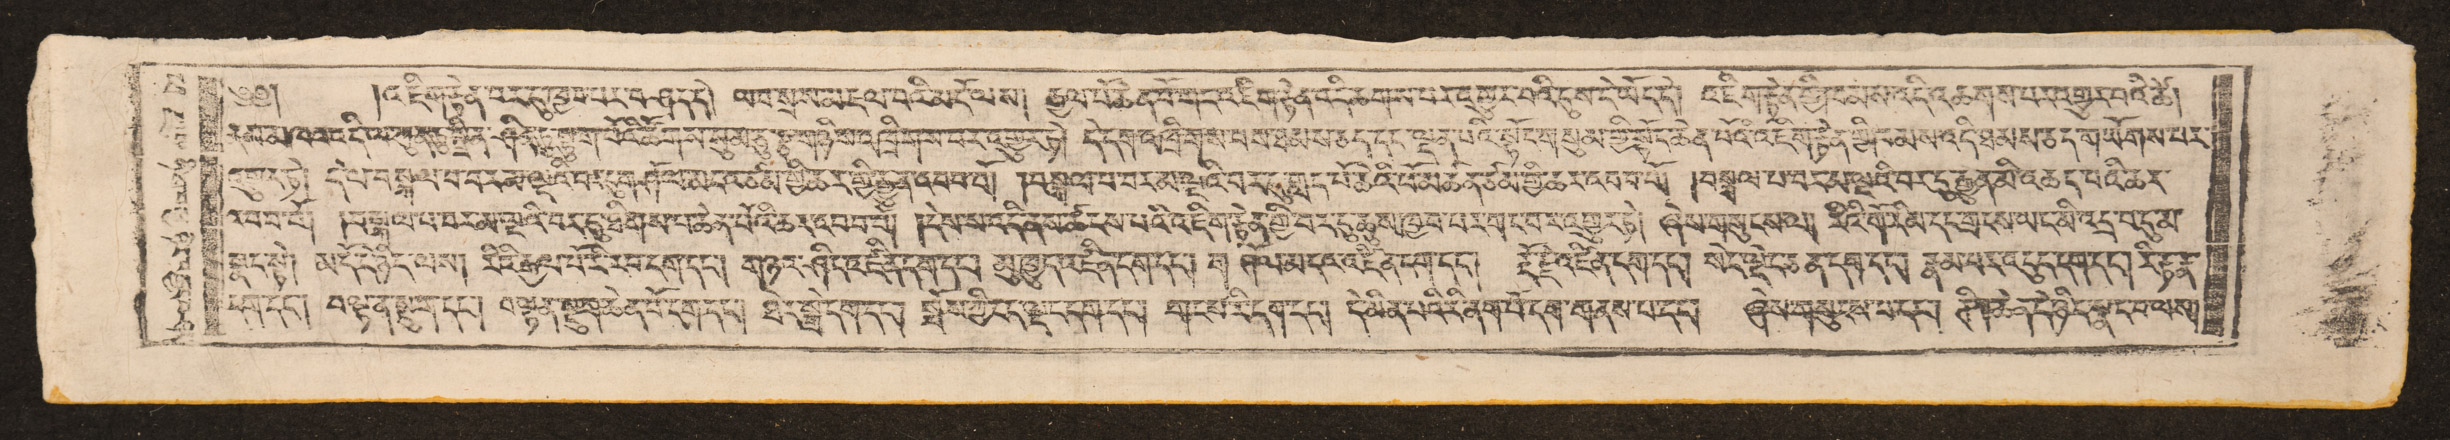༄༅། །འཇིག་རྟེན་བར་དུ་ཁྱབ་པར་བཤད་དོ། ཡབ་སྲས་མཇལ་བའི་མདོ་ལས། རྒྱལ་པོ་ཆེན་པོ་གང་འཇིག་རྟེན་འདི་ཆགས་པར་འགྱུར་པའི་དུས་དེ་ཡོད་དེ། འཇིག་རྟེན་གྱི་ཁམས་འདི་འཆགས་པར་འགྱུར་བའི་ཚེ།
ནམ་མཁའ་འདི་ལ་ཀུན་ཏུ་སྤྲིན་ཤིན་ཏུ་སྟུག་པོའི་ཚོགས་སུམ་ཅུ་རྩ་གཉིས་འཁྲིགས་པར་འགྱུར་ཏེ། དེ་དག་འཁྲིགས་པས་ཐམས་ཅད་དང་ལྡན་པའི་སྟོང་གསུམ་གྱི་སྟོང་ཆེན་པོའི་འཇིག་རྟེན་གྱི་ཁམས་འདི་ཐམས་ཅད་གཡོགས་པར་
འགྱུར་ཏེ། དེ་ལ་བསྐལ་པ་བར་མ་ལྔའི་བར་དུ་གཤོལ་མངའ་ཙམ་གྱི་ཆར་གྱི་རྒྱུན་འབབ་བོ། །བསྐལ་བ་པར་མ་ལྔའི་བར་དུ་གྲང་པོ་ཆེའི་ཕོ་མཚན་ཙམ་གྱི་ཆར་འབབ་པོ། །བསྐལ་པ་བར་མ་ལྔའི་བར་དུ་རྒྱུན་མི་འཆད་བའི་ཆར་
འབབ་པོ། །བསྐལ་པ་བར་པ་ལྔའི་བར་དུ་ཐིགས་པ་ཆེན་པོའི་ཆར་འབབ་བོ། །དེས་ས་འདི་ནས་ཚངས་པའི་འཇིག་རྟེན་གྱི་བར་དུ་ཆུས་ཁྱབ་པར་གང་བར་འགྱུར་ཏེ། ཞེས་གསུངས་ལ། རིའི་གོ་རིམ་དང་གྲངས་ཡང་མི་འདྲ་བ་དུ་མ་
སྣང་སྟེ། མདོ་དེ་ཉིད་ལས། རིའི་རྒྱལ་པོ་རི་ར་བདག་དང་། གཉའ་ཤིང་འཛིན་དག་དང་། མུ་རྒྱུད་འཛིན་དག་དང་། བཤོལ་མདའ་འཛིན་དག་དང་། རྡོ་རྗེ་འཛིན་དག་དང་། སེང་ལྡེང་ཅན་དག་དང་། རྣམ་པར་འདུད་དག་དང་། རི་རྟ་རྣ་
དག་དང་། བལྟ་ན་སྡུག་དང་། བལྟ་ན་སྡུག་ཆེན་པོ་དག་དང་། ཐེར་སྒྲེ་དག་དང་། སྤོས་ཀྱི་ངད་ལྡང་དག་དང་། གངས་རི་དག་དང་། དེ་མིན་པའི་རི་ནག་པོ་དག་གནས་པ་དང་། ཞེས་གསུངས་པ་དང་། ཊིཀ་ཆེན་དེ་ཉིད་སྣང་བ་ལས།